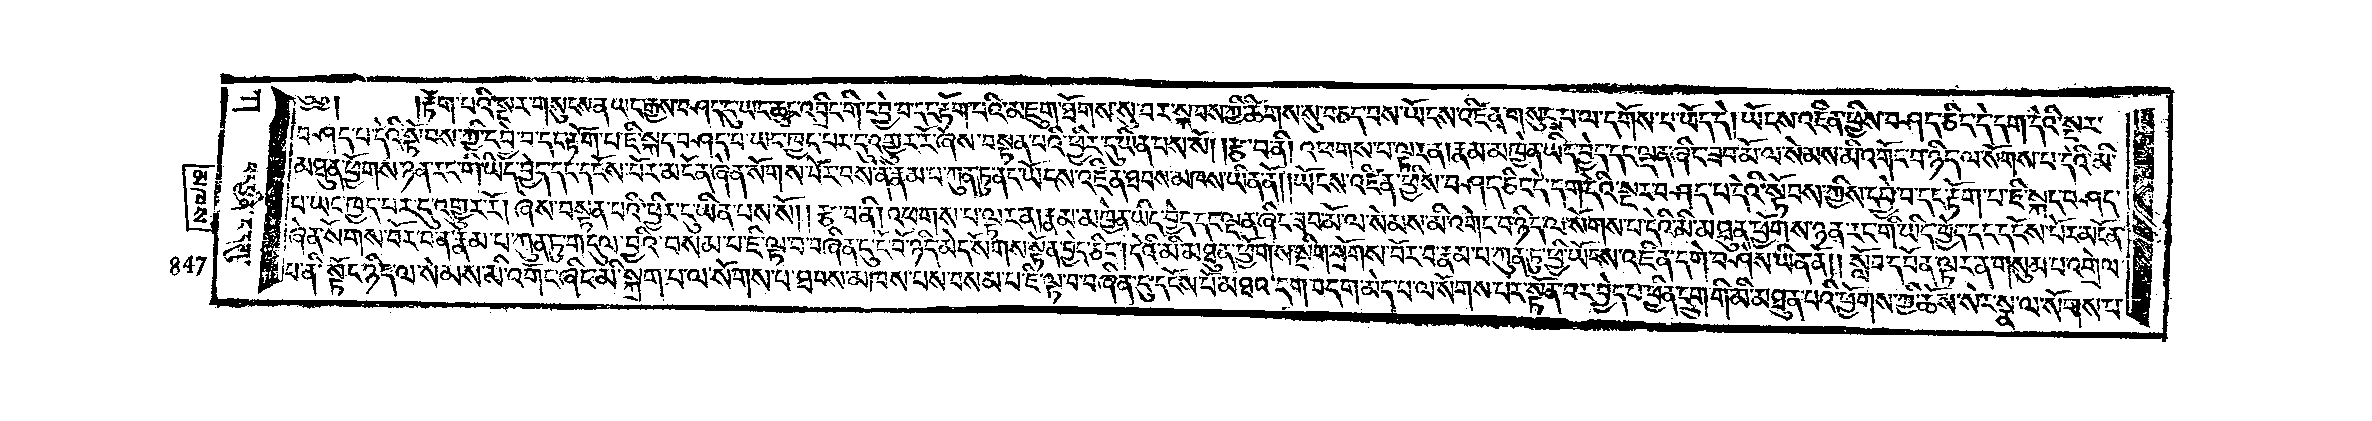༄༅། །རྟོག་པའི་སྔར་གསུངས་ན་ཡང་རྒྱས་བཤད་དུ་ཡང་ཆུང་འབྲིང་གི་དབྱེ་བ་དང་རྟོག་པའི་མཇུག་ཐོགས་སུ་བར་སྐབས་ཀྱི་ཚིགས་སུ་བཅད་པས་ཡོངས་འཛིན་གསུངས་པ་ལ་དགོས་པ་ཡོད་དེ། ཡོངས་འཛིན་ཕྱིས་བཤད་ཅིང་དེ་དག་དེའི་སྔར་
བཤད་པ་དེའི་སྟོབས་ཀྱི་དབྱེ་བ་དང་རྟོག་པ་ཇི་སྐད་བཤད་པ་ཡང་ཁྱད་པར་དུ་འགྱུར་རོ་ཞེས་བསྟན་པའི་ཕྱིར་དུ་ཡིན་པས་སོ། །རྩ་བ་ནི། འཕགས་པ་ལྟར་ན། རྣམ་མཁྱེན་ཡིད་བྱེད་དང་ལྡན་ཞིང་ཟབ་མོ་ལ་སེམས་མི་འགོང་བ་ཉིད་ལ་སོགས་པ་དེའི་མི་
མཐུན་ཕྱོགས་ཉན་རང་གི་ཡིད་བྱེད་དང་དངོས་པོར་མངོན་ཞེན་སོགས་པོར་བས་ནི་རྣམ་པ་ཀུན་ཏུ་ནང་ཡོངས་འཛིན་ཐབས་མཁས་ཡིན་ནོ། །ཡོངས་འཛིན་ཕྱིས་བཤད་ཅིང་དེ་དག་དེའི་སྔར་བཤད་པ་དེའི་སྟོབས་ཀྱིས་དབྱེ་བ་དང་རྟོག་པ་ཇི་སྐད་བཤད་
པ་ཡང་ཁྱད་པར་དུ་འགྱུར་རོ། ཞེས་བསྟན་པའི་ཕྱིར་དུ་ཡིན་པས་སོ། །རྩ་བ་ནི། འཕགས་པ་ལྟར་ན། རྣམ་མཁྱེན་ཡིད་བྱེད་དང་ལྡན་ཞིང་ཟབ་མོ་ལ་སེམས་མི་འགེང་བ་ཉིད་ལ་སོགས་པ་དེའི་མི་མཐུན་ཕྱོགས་ཉན་རང་གི་ཡིད་བྱེད་དང་དངོས་པོར་མངོན་
ཞེན་སོགས་བོར་བ་ན་རྣམ་པ་ཀུན་ཏུ་གདུལ་བྱའི་བསམ་པ་ཇི་ལྟ་བ་བཞིན་དུ་ངོ་བོ་ཉིད་མེད་སོགས་སྟོན་བྱེད་ཅིང་། དེའི་མི་མཐུན་ཕྱོགས་སྡིག་སྲོགས་བོར་བ་རྣམ་པ་ཀུན་ཏུ་ཕྱི་ཡོངས་འཛིན་དགེ་བཤེས་ཡིན་ནོ། །སློབ་དཔོན་ལྟར་ན་གསུམ་པ་འགྲེལ་
པ་ནི་སྟོང་ཉིད་ལ་སེམས་མི་འགོང་ཞིང་མི་སྐྲག་པ་ལ་སོགས་པ་ཐབས་མཁས་པས་བསམ་པ་ཇི་ལྟ་བ་བཞིན་དུ་དངོས་པོ་མཐའ་དག་བདག་མེད་པ་ལ་སོགས་པར་སྟོན་པར་བྱེད་པ་ཕྱིན་དྲུག་གི་མི་མཐུན་པའི་ཕྱོགས་ཀྱི་ཆོས་སེར་སྣ་ལ་སོགས་པ་